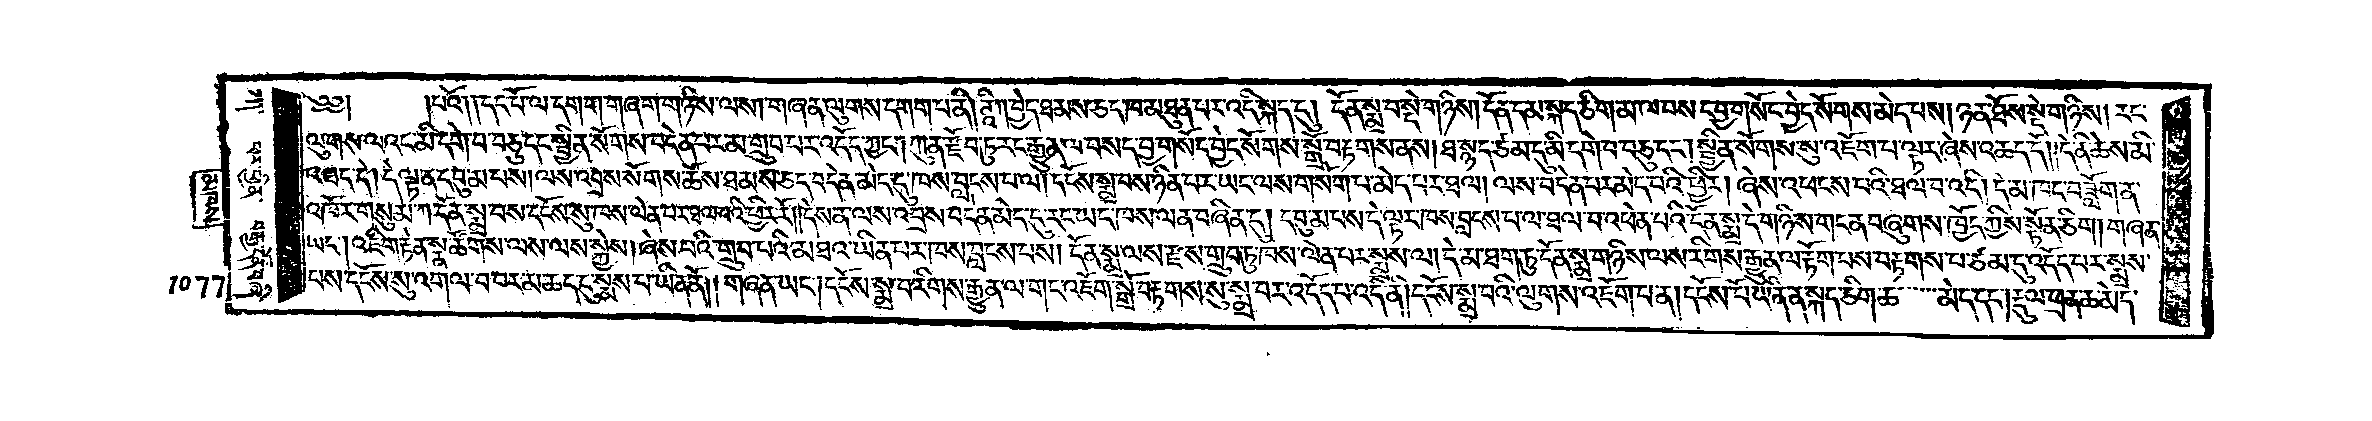༄༅། །པའོ། །དང་པོ་ལ་དགག་གཞག་གཉིས་ལས། གཞན་ལུགས་དགག་པ་ནི། ཊཱིཀ་བྱེད་ཐམས་ཅད་ཁ་མཐུན་པར་འདི་སྐད་དུ། དོན་སྨྲ་བ་སྡེ་གཉིས། དོན་དམ་སྐད་ཅིག་མ་ལ་བསང་བྱ་གསོང་བྱེད་སོགས་མེད་པས། ཉན་ཐོས་སྡེ་གཉིས། རང་
ལུགས་ལའང་མི་དགེ་བ་བཅུ་དང་སྦྱིན་སོགས་བདེན་པར་མ་གྲུབ་པར་འདོད་ཀྱང་། ཀུན་རྫོབ་ཏུ་རང་རྒྱུན་ལ་བསད་བྱ་གསོད་བྱེད་སོགས་སྒྲོ་བརྟགས་ནས། ཐ་སྙད་ཙམ་དུ་མི་དགེ་བ་བཅུ་དང་། སྦྱིན་སོགས་སུ་འཇོག་པ་ལྟར་ཞེས་འཆད་དོ། །དེ་ནི་ཆེས་མི་
འཐད་དེ། དེ་ལྟ་ན་དབུ་མ་པས། ལས་འབྲས་སོགས་ཆོས་ཐམས་ཅད་བདེན་མེད་དུ་ཁས་བླངས་པ་ལ། དངོས་སྨྲ་བས་ཉིན་པར་ཡང་ལས་གསོག་པ་མེད་པར་ཐལ། ལས་བདེན་པར་མེད་པའི་ཕྱིར། ཞེས་འཕངས་པའི་ཐལ་བ་འདི། དེ་མ་ཁང་བཟློག་ན་
འཁོར་གསུམ་ཀ་དོན་སྨྲ་བས་དངོས་སུ་ཁས་ལེན་པར་ཐལ་བའི་ཕྱིར་རོ། །དེས་ན་ལས་འབྲས་བདེན་མེད་དུ་རང་ཡང་ཁས་ལན་བཞིན་དུ། དབུ་མ་པས་དེ་ལྟར་ཁས་བླངས་པ་ལ་ཐལ་བ་འཕེན་པའི་དོན་སྨྲ་དེ་གཉིས་གང་ན་བཞུགས་ཁྱོད་ཀྱིས་སྟོན་ཅིག། གཞན་
ཡང་། འཇིག་རྟེན་སྣ་ཚོགས་ལས་ལས་སྐྱེས། ཞེས་པའི་གྲུབ་པའི་མཐའ་ཡིན་པར་ཁས་བླངས་པས། དོན་སྨྲ་ལས་རྫས་གྲུབ་ཏུ་ཁས་ལེན་པར་སྨྲས་ལ། དེ་མ་ཐག་ཏུ་དོན་སྨྲ་གཉིས་ལས་རིགས་རྒྱུན་ལ་རྟོག་པས་བརྟགས་པ་ཙམ་དུ་འདོད་པར་སྨྲས་
པས་དངོས་སུ་འགལ་བ་བར་མ་ཆད་དུ་སྨྲས་པ་ཡིན་ནོ། གཞན་ཡང་། དངོས་སྨྲ་བ་རིགས་རྒྱུན་ལ་གང་འཇོག་སྒྲོ་བརྟགས་སུ་སྨྲ་བར་འདོད་པ་འདི་ནི། དངོས་སྨྲ་བའི་ལུགས་འཇོག་པ་ན། དངོས་པོ་ཡིན་ན་སྐད་ཅིག་ཆ་མེད་དང་། རྡུལ་ཕྲན་ཆ་མེད་